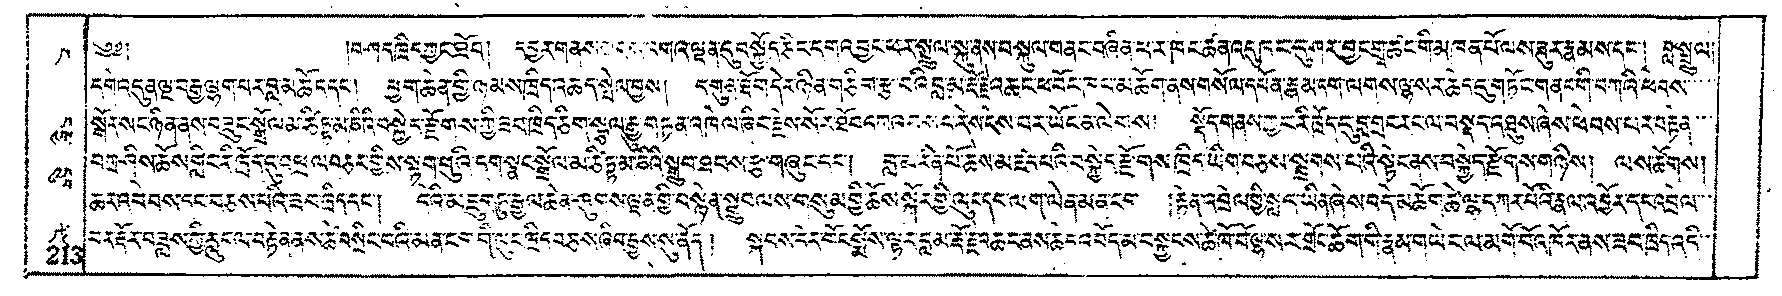༄༅། །བཤད་ཁྲིད་ཀྱང་ཐོབ། དབྱར་གནས་སྐབས་དགའ་ལྡན་དུ་བསྐྱོད་ཅིང་དགའ་བྱང་ཕ་ར་སྤྲུལ་སྐུ་ནས་བསྐུལ་གནང་བཞིན་ཕ་ར་ཁང་ཚན་འདུ་ཁང་དུ་ཤར་བྱང་གྲྭ་ཚང་གི་མཁན་པོ་ལས་ཟུར་རྣམས་དང་། བླ་སྤྲུལ།
དགེ་འདུན་ལྔ་བརྒྱ་ལྷག་པར་བླ་མཆོད་དང་། ཕྱག་ཆེན་གྱི་ཉམས་ཁྲིད་འཆད་སྤེལ་བྱས། དགུན་ཐོག་དེར་ཉིན་གཅིག་རྩ་བའི་བླ་མ་རྡོ་རྗེ་འཆང་ཕ་བོང་ཁ་པ་མཆོག་ནས་གསོལ་དཔོན་རྣམ་དག་ལགས་ལྷ་སར་ཆེད་དུ་གཏོང་གནང་གི་བཀའི་ཕེབས་
སྒོར་སང་ཉིན་ནས་བཟུང་སྒྲོལ་མ་ཙིཏྟ་མ་ཎིའི་བསྐྱེད་རྫོགས་ཀྱི་ཟབ་ཁྲིད་ཅིག་སྩལ་རྒྱུ་གཏན་འཁེལ་ཞིང་རྗེས་སོར་ཐོབ་དཀའ་བསད་རེས་ངེས་པར་ཡོང་ན་ལེགས། སྡོད་གནས་ཀྱང་རི་ཁྲོད་དུ་བླ་བྲང་རང་ལ་བསྡད་འཐུས་ཞེས་ཕེབས་པར་བརྟེན་
བཀྲ་ཤིས་ཆོས་གླིང་རི་ཁྲོད་དུ་འཕྲལ་བཅར་གྱིས་སྟག་ཕུའི་དག་སྣང་སྒྲོལ་མ་ཙིཏྟ་མ་ཎིའི་སྒྲུབ་ཐབས་རྩ་གཞུང་དང་། བླ་མ་རིན་པོ་ཆེས་མཛད་པའི་བསྐྱེད་རྫོགས་ཁྲིད་ཡིག་བཅས་སྦྲགས་པའི་སྟེང་ནས་བསྐྱེད་རྫོགས་གཉིས། ལས་ཚོགས།
ཆར་འབེབས་དང་བཅས་པའི་ཟབ་ཁྲིད་དང་། དེའི་མཇུག་ཏུ་རྒྱལ་ཆེན་ཤུགས་ལྡན་གྱི་བསྙེན་སྒྲུབ་ལས་གསུམ་གྱི་ཆོས་སྐོར་གྱི་ལུང་དང་ལག་ལེན་མན་ངག །རྟེན་འབྲེལ་གྱི་སླད་ཡིན་ཞེས་བདེ་མཆོག་ཚེ་ལྷ་དཀར་པོའི་རྣལ་འབྱོར་དང་འབྲེལ་
བར་རྡོར་བཟླས་ཀྱི་རླུང་ལ་བརྟེན་ནས་ཚེ་བསྲིང་བའི་མན་ངག་གི་ལུང་ཁྲིད་བཅས་ཞིབ་རྒྱས་སུ་ནོད། སྐབས་དེར་གོང་སྨོས་ལྟར་བླ་མ་རྡོ་རྗེ་འཆང་ནས་ཆེད་འབོད་མ་བསྐྱངས་ཚེ་ཁོ་བོ་ལྷ་སར་གྲོང་ཆོག་གི་རྣམ་གཡེང་ལ་མགོ་བོ་འཁོར་ནས་ཟབ་ཁྲིད་འདི་